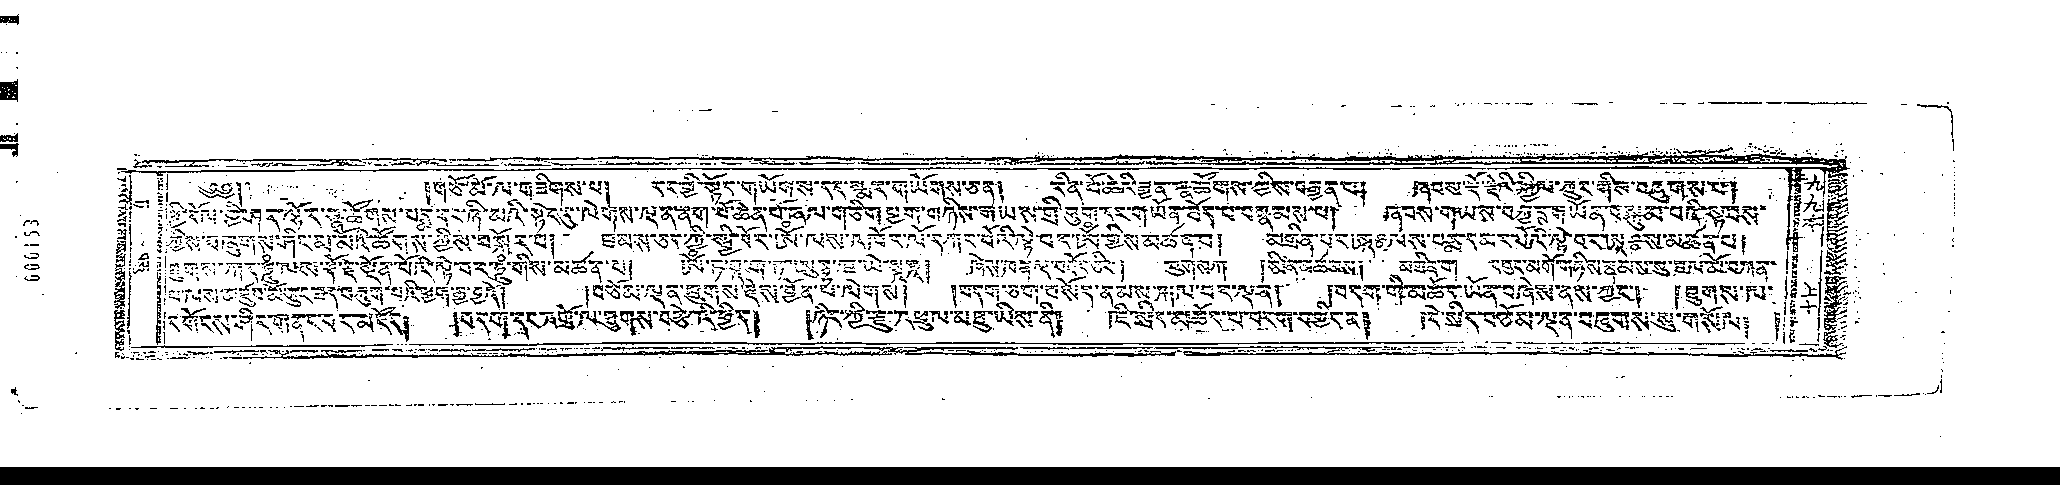༄༅། །གཙོ་མོ་ལ་གཟིགས་པ། དར་གྱི་སྟོད་གཡོགས་དང་སྨད་གཡོགས་ཅན། རིན་པོ་ཆེའི་རྒྱན་སྣ་ཚོགས་ཀྱིས་བརྒྱན་པ། ཞབས་རྡོ་རྗེའི་སྐྱིལ་ཀྲུང་གིས་བཞུགས་པ།
ཕྱི་རོལ་གྱི་ཤར་ལྷོར་སྣ་ཚོགས་པདམ་དང་ཉི་མའི་སྟེང་དུ་ལེགས་ལྡན་ནག་པོ་ཆེན་པོ་ཞལ་གཅིག་ཕྱག་གཉིས་གཡས་གྲི་གུག་དང་གཡོན་ཐོད་པ་བསྣམས་པ། ཞབས་གཡས་བརྐྱངས་གཡོན་བསྐུམ་པའི་སྟབས་
ཀྱིས་བཞུགས་ཤིང་མ་མོའི་ཚོགས་ཀྱིས་བསྐོར་བ། ཐམས་ཅད་ཀྱི་སྤྱི་བོར་ཨོཾ་ལས་འཁོར་ལོ་དཀར་པོའི་ལྟེ་བར་ཨོཾ་གྱིས་མཚན་པ། མགྲིན་པར་ཨཱཿ་ལས་པདམ་དམར་པོའི་ལྟེ་བར་ཨཱཿ་ས་མཚན་པ།
ཐུགས་ཀར་ཧཱུཾ་ལས་རྡོ་རྗེ་སྔོན་པོའི་ལྟེ་བར་ཧཱུཾ་གིས་མཚན་པ། ཨོཾ་ཏ་ཐཱ་ག་ཏ་ཨུདྡྷ་ཝ་ཡེ་སྭཱཧཱ། ཞེས་ལན་ལྔ་བརྗོད་ཅིང་། ཐུགས་ཀ །སྨིན་མཚམས། མགྲིན་པ། དཔུང་མགོ་གཉིས་རྣམས་སུ་ཐལ་མོ་བཀན་
པ་ལས་མཛུབ་མོ་ཅུང་ཟད་བཀུག་པའི་ཕྱག་རྒྱ་བྱའོ། །བཅོམ་ལྡན་ཐུགས་རྗེས་བྱོན་པ་ལེགས། །བདག་ཅག་བསོད་ནམས་སྐལ་པར་ལྡན། །བདག་གི་མཆོད་ཡོན་བཞེས་ནས་ཀྱང་། །ཐུགས་ལ་
དགོངས་ཤིང་གནང་བར་མཛོད། །བདག་དང་འགྲོ་ལ་ཐུགས་བརྩེའི་ཕྱིར། །ཉིད་ཀྱི་རྫུ་འཕྲུལ་མཐུ་ཡིས་ནི། །ཇི་སྲིད་མཆོད་པ་བདག་བགྱིད་ན། །དེ་སྲིད་བཅོམ་ལྡན་བཞུགས་སུ་གསོལ། །